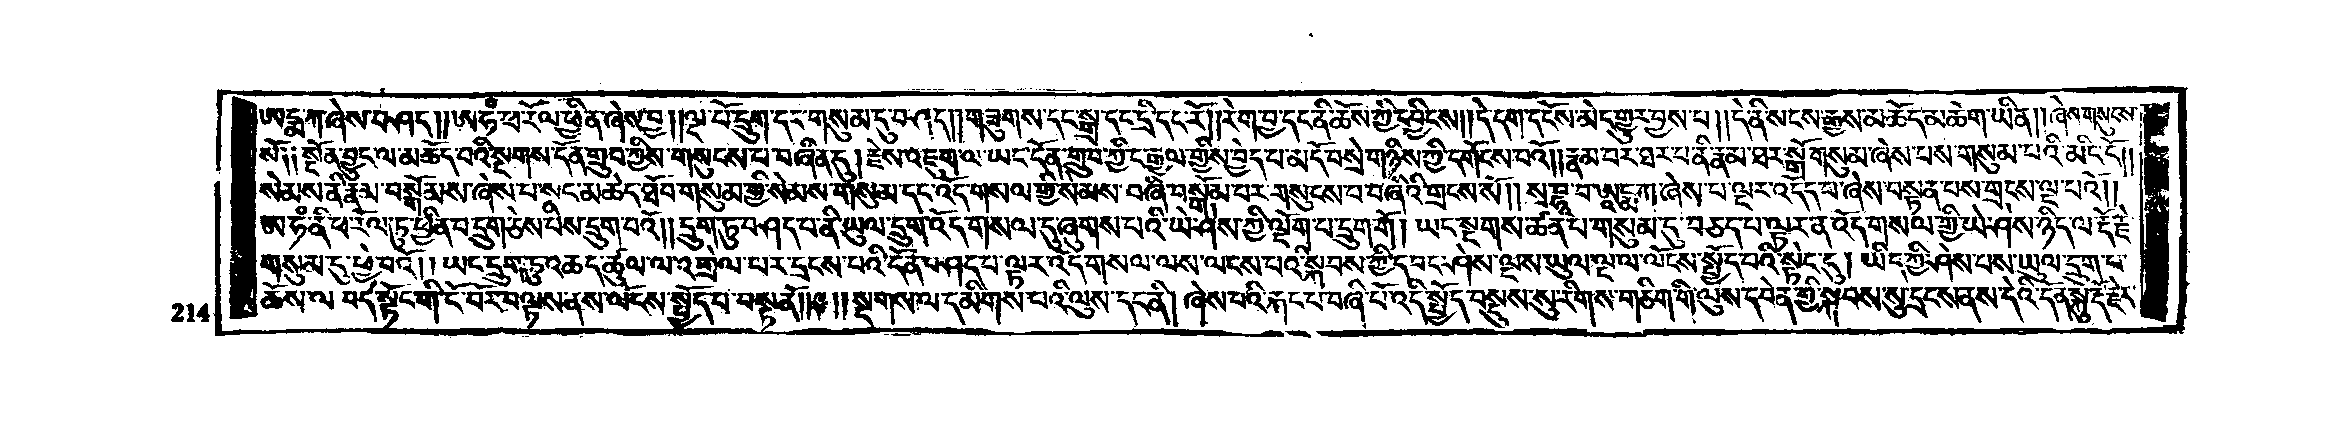ཨདམ་ཀ་ཞེས་བཤད། །ཨ་ཧཾ་ཕ་རོལ་ཕྱིན་ཞེས་བྱ། །ལྔ་པོ་དྲུག་དང་གསུམ་དུ་བཤད། །གཟུགས་དང་སྒྲ་དང་དྲི་དང་རོ། །རེག་བྱ་དང་ནི་ཆོས་ཀྱི་དབྱིངས། །དེ་དག་དངོས་མེད་གྱུར་བྱས་པ། །དེ་ནི་སངས་རྒྱས་མཆོད་མཆོག་ཡིན། །ཞེས་གསུངས་
སོ། །སྔོན་བྱུང་ལ་མཆོད་པའི་སྔགས་དོན་གྲུབ་ཀྱིས་གསུངས་པ་བཞིན་དུ། རྗེས་འཇུག་ལ་ཡང་དོན་གྲུབ་ཀྱི་ང་རྒྱལ་གྱིས་བྱེད་པ་མདོ་བསྲེ་གཉིས་ཀྱི་དགོངས་པའོ། །རྣམ་པར་ཐར་པ་ནི་རྣམ་ཐར་སྒོ་གསུམ་ཞེས་པས་གསུམ་པའི་མིང་ངོ། །
སེམས་ནི་རྣམ་བསྒོམས་ཞེས་པ་སྣང་མཆེད་ཐོབ་གསུམ་གྱི་སེམས་གསུམ་དང་འོད་གསལ་གྱི་སེམས་བཞི་བསྒོམ་པར་གསུངས་པ་བཞིའི་གྲངས་སོ། །སྭ་བྷཱ་བ་ཨཱདམ་ཀ་ཞེས་པ་ལྔར་འདོད་པ་ཞེས་བསྟན་པས་གྲངས་ལྔ་པའོ། །
ཨ་ཧཾ་ནི་ཕ་རོལ་ཏུ་ཕྱིན་པ་དྲུག་ཅེས་པས་དྲུག་པའོ། །དྲུག་ཏ་བཤད་པ་ནི་ཡུལ་དྲུག་འོད་གསལ་དུ་ཞུགས་པའི་ཡེ་ཤེས་ཀྱི་ལྡོག་པ་དྲུག་གོ །ཡང་སྔགས་ཚན་པ་གསུམ་དུ་བཅད་པ་ལྟར་ན་འོད་གསལ་གྱི་ཡེ་ཤེས་ཉིད་ལ་རྡོ་རྗེ་
གསུམ་དུ་ཕྱེ་བའོ། །ཡང་དྲུག་ཏུ་འཆད་ཚུལ་ལ་འགྲེལ་པར་དྲངས་པའི་དོན་བཤད་པ་ལྟར་འོད་གསལ་ལས་ལངས་པའི་སྐབས་ཀྱི་དབང་ཤེས་ལྔས་ཡུལ་ལྔ་ལ་ལོངས་སྤྱོད་པའི་སྟེང་དུ། ཡིད་ཀྱི་ཤེས་པས་ཡུལ་དྲུག་པ་
ཆོས་ལ་བདེ་སྟོང་གི་ངོ་བོར་བལྟས་ནས་ལོངས་སྤྱོད་པ་བསྟན་ནོ།། ༈ །།སྔགས་ལ་དམིགས་པའི་ལུས་དང་ནི། ཞེས་པའི་རྐང་པ་བཞི་པོ་འདི་སྤྱོད་བསྡུས་སུ་རིགས་གཅིག་གི་ལུས་དབེན་གྱི་སྐབས་སུ་དྲངས་ནས་དེའི་དོན་སྐུ་རྡོ་རྗེར་